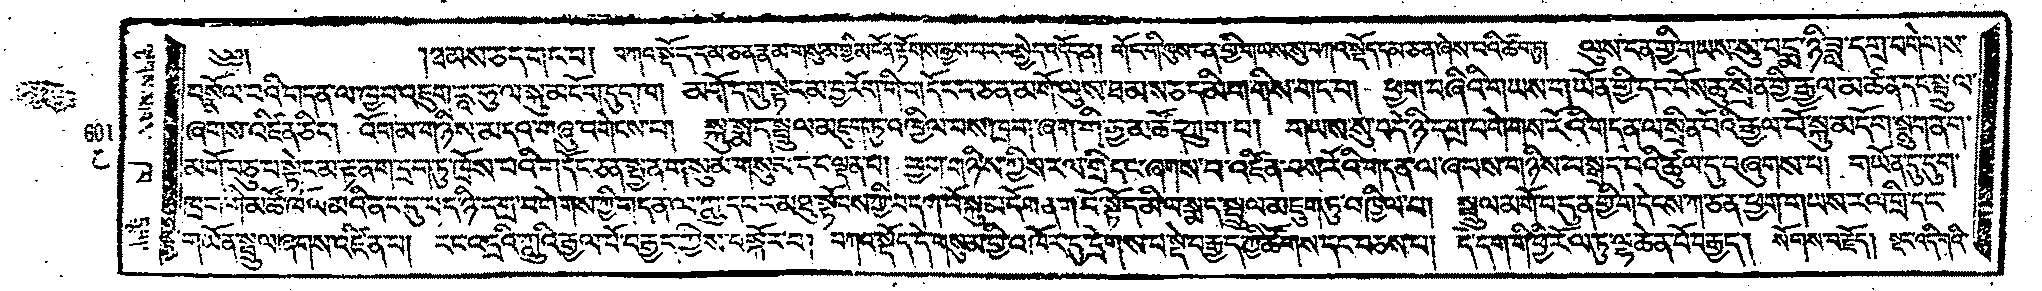༄༅། །ཐམས་ཅད་གང་བ། བཀའ་སྡོད་དམ་ཅན་རྣམ་གསུམ་གྱི་མདོན་རྟོགས་རྒྱས་པར་བསྐྱེད་འདོད་ན། གོང་གི་ལུས་ངན་གྱི་གཡས་སུ་བཀའ་སྡོད་དམ་ཅན་ཞེས་པའི་ཚབ་ཏུ།  ལུས་ངན་གྱི་གཡས་སུ་པདམ་ཉི་ཟླ་དགྲ་བགེགས་
བསྣོལ་བའི་གདན་ལ་ཁྱབ་འཇུག་རཱ་ཧུ་ལ་སྐུ་མདོག་དུད་ཁ། མགོ་དགུ་སྟེང་མ་བྱ་རོག་གི་གདོང་བ་ཅན་མགོ་ལུས་ཐམས་ཅད་མིག་གིས་གང་བ། ཕྱག་བཞིའི་གཡས་གཡོན་གྱི་དང་པོས་ཆུ་སྲིན་གྱི་རྒྱལ་མཚན་དང་སྦྲུལ་
ཞགས་འཛིན་ཅིང་། འོག་མ་གཉིས་མདའ་གཞུ་འགེངས་པ། སྐུ་སྨད་སྦྲུལ་མཇུག་ཏུ་འཁྱིལ་བས་ཁྲག་ཞག་གི་རྒྱ་མཚོད་ཀྲུག་པ། གཡས་སུ་བདེ་ཉི་དགྲ་བགེགས་རོའི་གདན་ལ་སྲིན་པོའི་རྒྱལ་པོ་སྐུ་མདོག་སྨུག་ནག་
མགོ་བཅུ་པ་སྟེང་མ་རྟ་ནག་དྲག་ཏུ་ཁྲོས་བའི་གདོང་ཅན་སྤྱན་གསུམ་གསུམ་དང་ལྡན་བ། ཕྱག་གཉིས་ཀྱིས་རལ་གྲི་དང་ཞགས་བ་འཛིན་པས་རོའི་གདན་ལ་ཞབས་གཉིས་བསྒྲད་པའི་ཚུལ་དུ་བཞུགས་པ། གཡོན་དུ་དུག་
ཁྲག་གི་མཚོ་ཁ་ལོ་མའི་ནང་དུ་པད་ཉི་དགྲ་བགེགས་ཀྱི་གདན་ལ་ཀླུ་དབང་མཐུ་སྟོབས་ཀྱི་བདག་པོ་སྐུ་མདོག་ནག་པོ་སྟོད་མི་ལ་སྨད་སྦྲུལ་མཇུག་ཏུ་འཁྱིལ་བ། སྦྲུལ་མགོ་བདུན་གྱི་གདེངས་ཀ་ཅན་ཕྱག་གཡས་རལ་གྲི་དང་
གཡོན་སྦྲུལ་ཞགས་འཛིན་པ། རང་འདྲའི་ཀླུའི་རྒྱལ་པོ་བརྒྱད་ཀྱིས་བསྐོར་བ། བཀའ་སྡོད་དེ་གསུམ་གྱི་འཁོར་དུ་དྲེགས་པ་སྡེ་བརྒྱད་ཀྱི་ཚོགས་དང་བཅས་པ། དེ་དག་གི་ཕྱི་རོལ་ཏུ་ལྷ་ཆེན་པོ་བརྒྱད། སོགས་བརྗོད། སྔར་འདི་གའི་